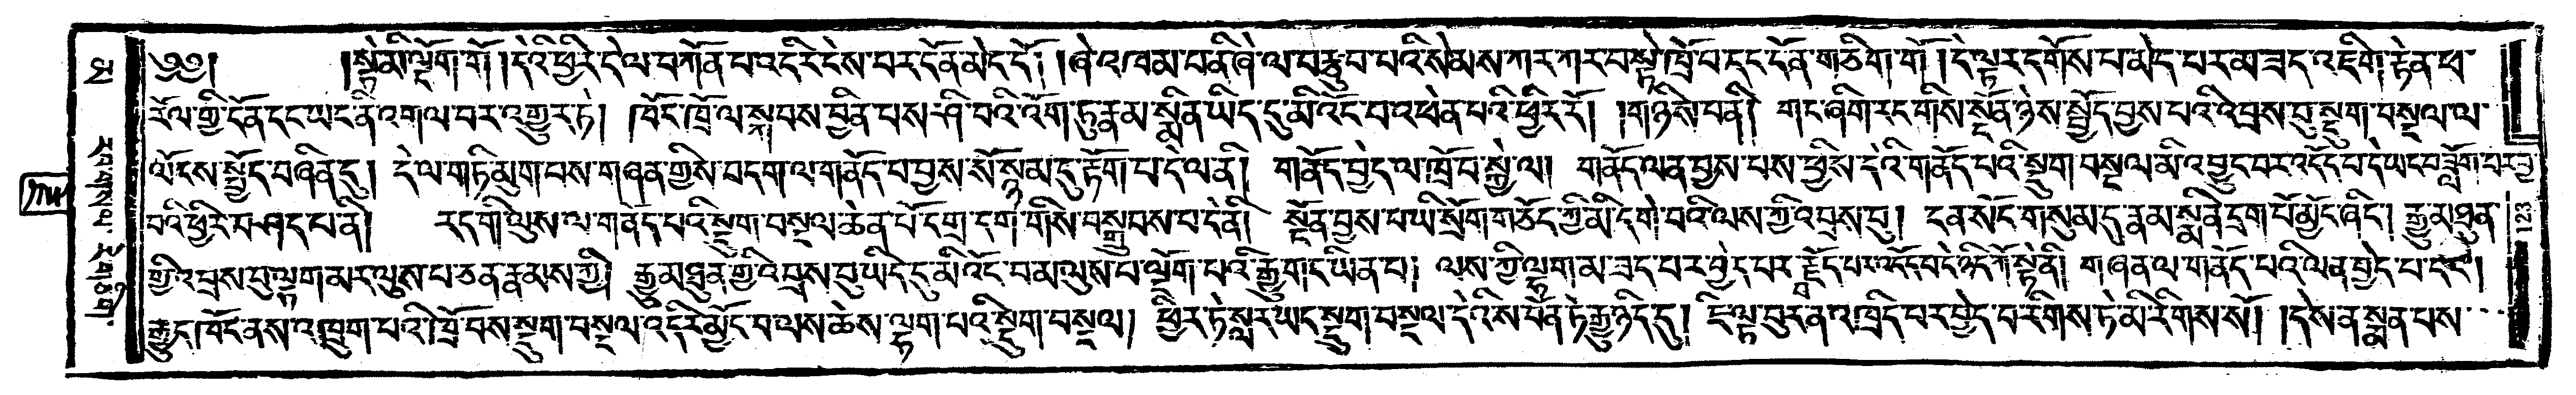༄༅། །སྟེ་མི་ལྡོག་གོ །དེའི་ཕྱིར་དེ་ལ་བཀོན་པ་འདིར་ངེས་པར་དོན་མེད་དོ། །ཞེ་འཁམ་པ་ནི་ཞེ་ལ་རྩུབ་པའི་སེམས་ཀར་ཀར་བ་སྟེ་ཁྲོ་བ་དང་དོན་གཅིག་གོ །དེ་ལྟར་དགོས་པ་མེད་པར་མ་ཟད་འཇིག་རྟེན་ཕ་
རོལ་གྱི་དོན་དང་ཡང་ནི་འགལ་བར་འགྱུར་ཏེ། ཁོང་ཁྲོ་ལ་སྐབས་བྱིན་པས་ཤི་བའི་འོག་ཏུ་རྣམ་སྨིན་ཡིད་དུ་མི་འོང་བ་འཕེན་པའི་ཕྱིར་རོ། །གཉིས་པ་ནི། གང་ཞིག་རང་གིས་སྔོན་ཉེས་སྤྱོད་བྱས་པའི་འབྲས་བུ་སྡུག་བསྔལ་ལ་
ལོངས་སྤྱོད་བཞིན་དུ། དེ་ལ་གཏི་མུག་པས་གཞན་གྱིས་བདག་ལ་གནོད་པ་བྱས་སོ་སྙམ་དུ་རྟོག་པ་དེ་ལ་ནི། གནོད་བྱེད་ལ་ཁྲོ་བ་སྐྱེ་ལ། གནོད་ལན་བྱས་པས་ཕྱིས་དེའི་གནོད་པའི་སྡུག་བསྔལ་མི་འབྱུང་བར་འདོད་པ་དེ་ཡང་བཟློག་པར་བྱ་
བའི་ཕྱིར་བཤད་པ་ནི། རང་གི་ལུས་ལ་གནོད་པའི་སྡུག་བསྔལ་ཆེན་པོ་དགྲ་དག་གིས་བསྒྲུབས་པ་དེ་ནི། སྔོན་བྱས་པ་ཡི་སྲོག་གཅོད་ཀྱི་མི་དགེ་བའི་ལས་ཀྱི་འབྲས་བུ། ངན་སོང་གསུམ་དུ་རྣམ་སྨིན་དྲག་པོ་མྱོང་ཞིང་། རྒྱུ་མཐུན་
གྱི་འབྲས་བུ་ལྷག་མར་ལུས་པ་ཅན་རྣམས་ཀྱི། རྒྱུ་མཐུན་གྱི་འབྲས་བུ་ཡིད་དུ་མི་འོང་བ་མ་ལུས་པ་ལྡོག་པའི་རྒྱུ་གང་ཡིན་པ། ལས་ཀྱི་ལྷག་མ་ཟད་པར་བྱེད་པར་བརྗོད་པར་འདོད་པ་དེ་ཉིད་ཀོ་སྟེ་ནི། གཞན་ལ་གནོད་པའི་ལན་བྱེད་པ་དང་།
རྒྱུད་ཁོང་ནས་འཁྲུག་པའི་ཁྲོ་བས་སྡུག་བསྔལ་འདིར་མྱོང་བ་ལས་ཆེས་ལྷག་པའི་སྡུག་བསྔལ། ཕྱིར་ཏེ་སླར་ཡང་སྡུག་བསྔལ་དེའི་ས་བོན་ཏེ་རྒྱུ་ཉིད་དུ། ཇི་ལྟ་བུར་ན་འཁྲིད་པར་བྱེད་པ་རིགས་ཏེ་མེ་རིགས་སོ། །དེས་ན་སྨན་པས་